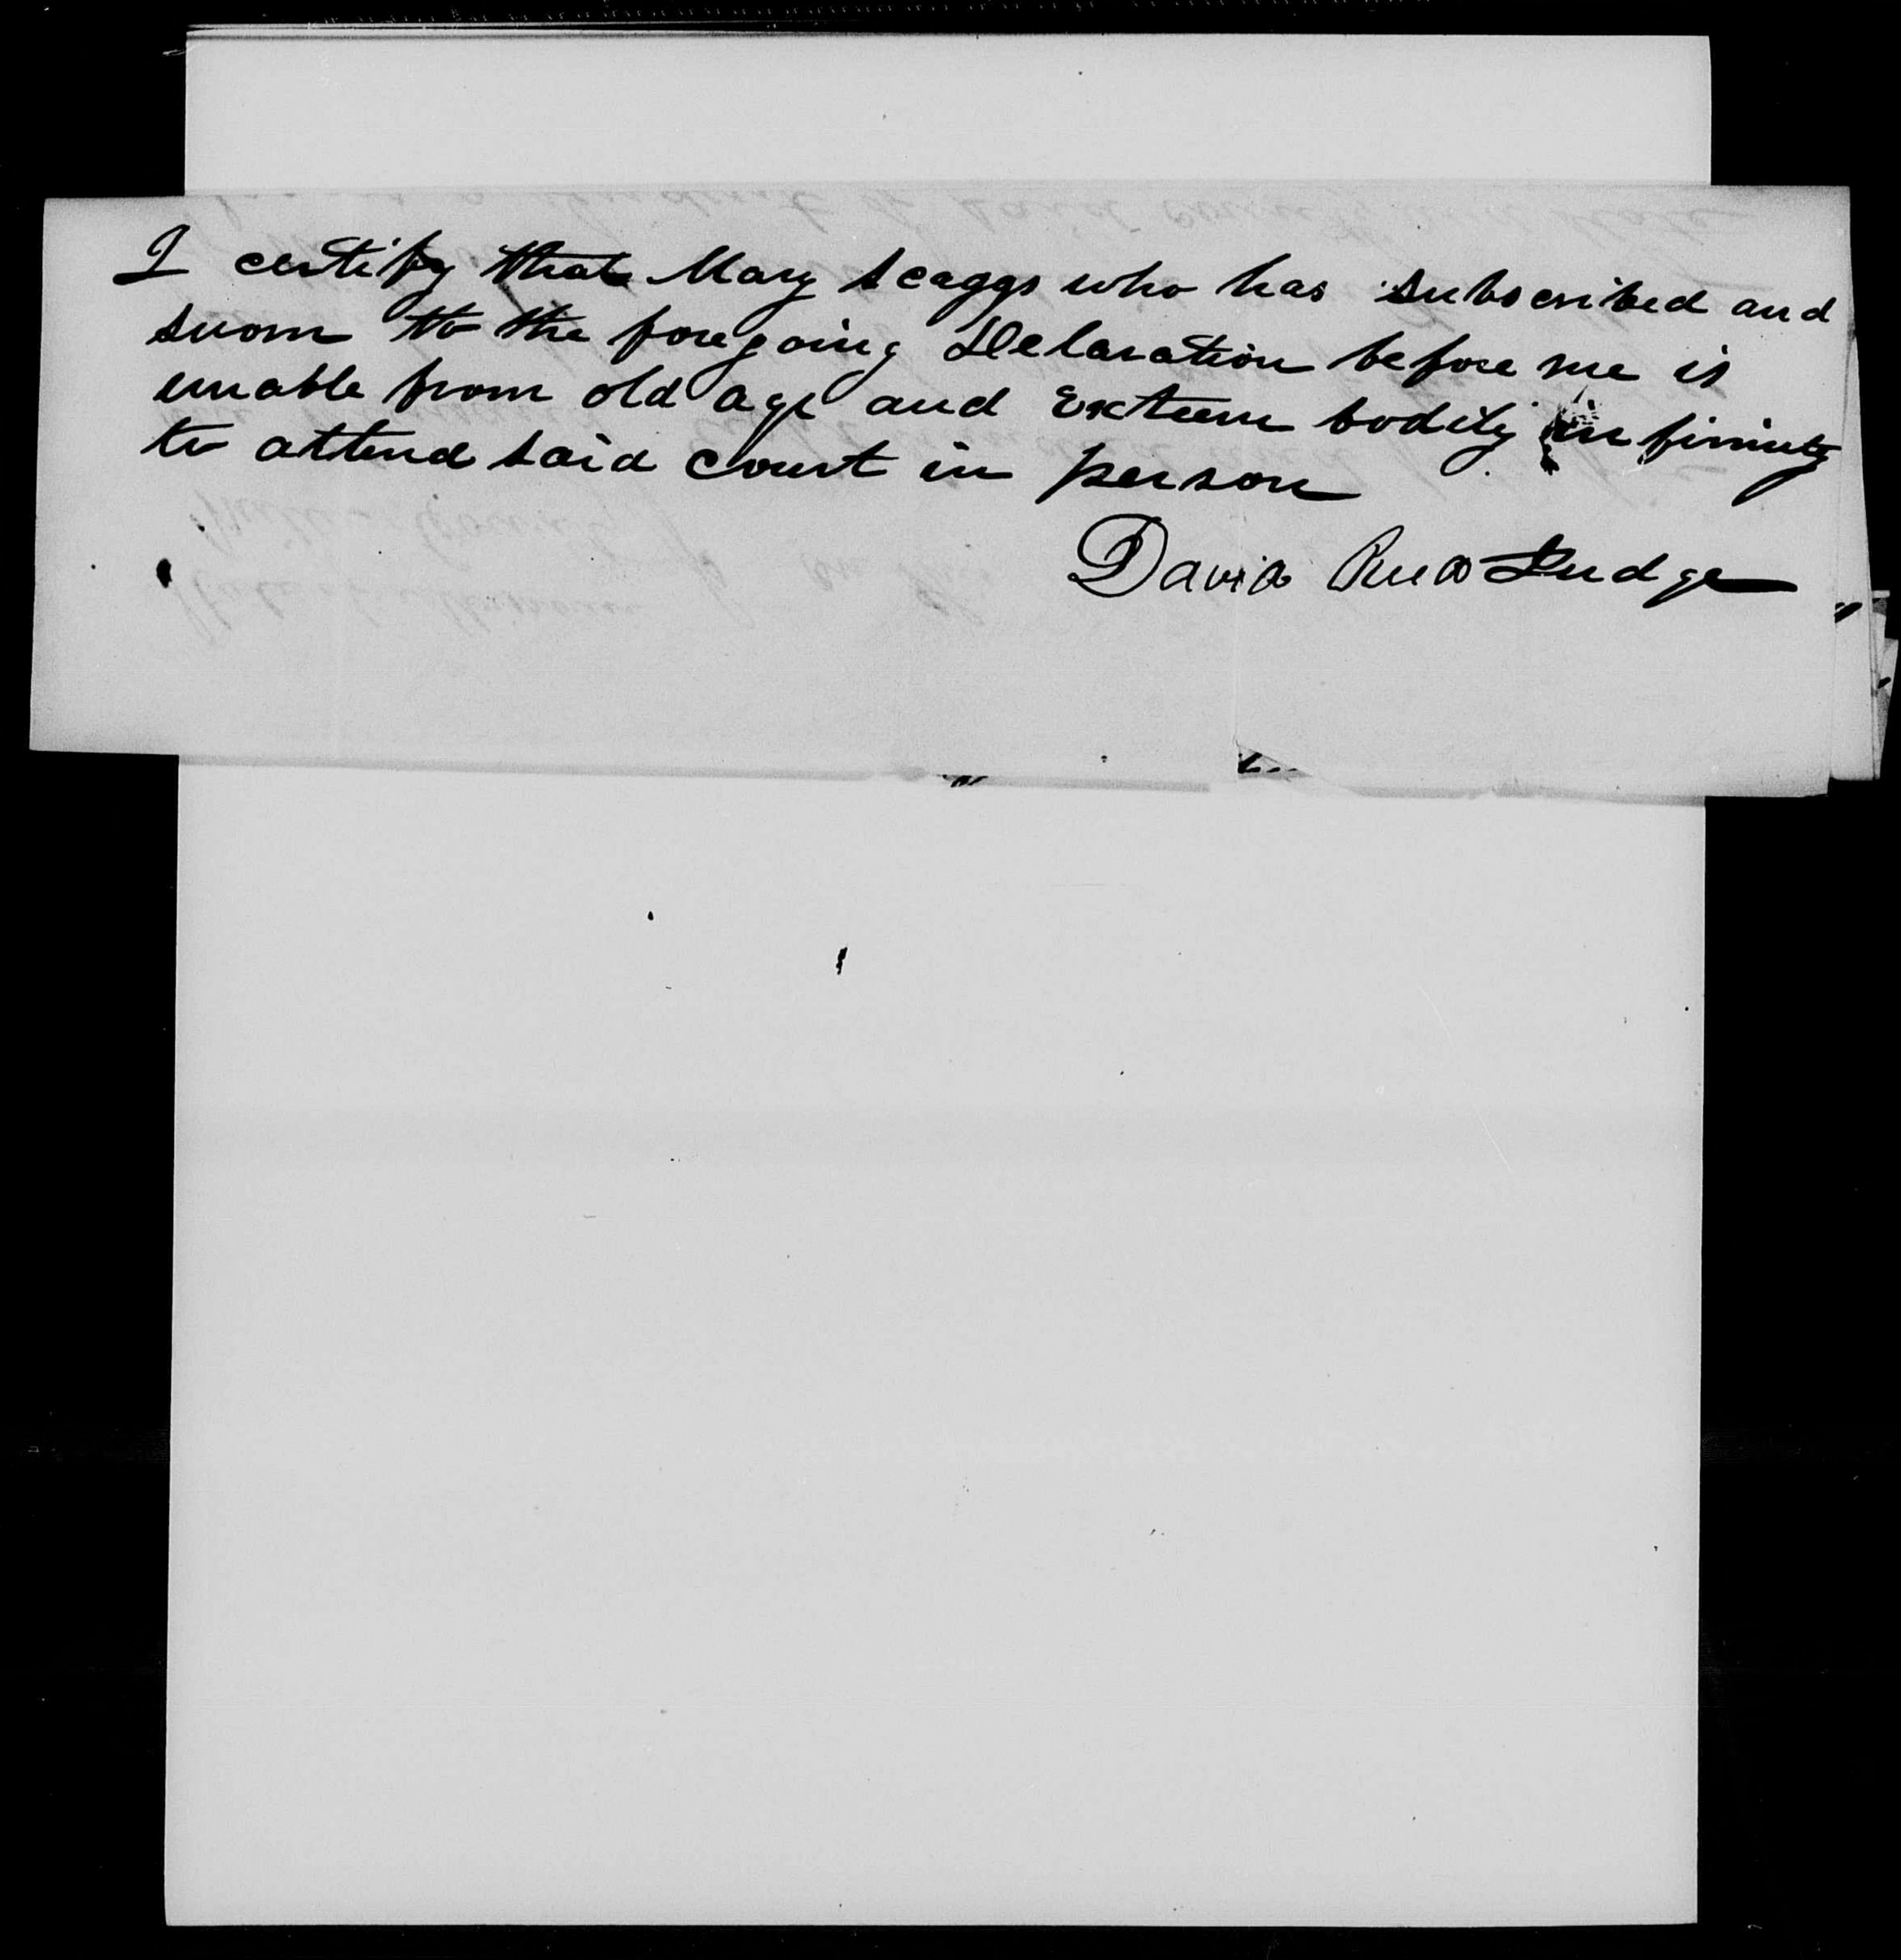I certify that Mary Scaggs who has subscribed and sworn to the foregoing Declaration before me is unable from old age and extreme bodily infirmity
to attend said court in person
David Reed Judge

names: Mary Scaggs, David Reed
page: 6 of 16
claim: rejected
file: R. 9,250, Fletcher Edwards, S.C.